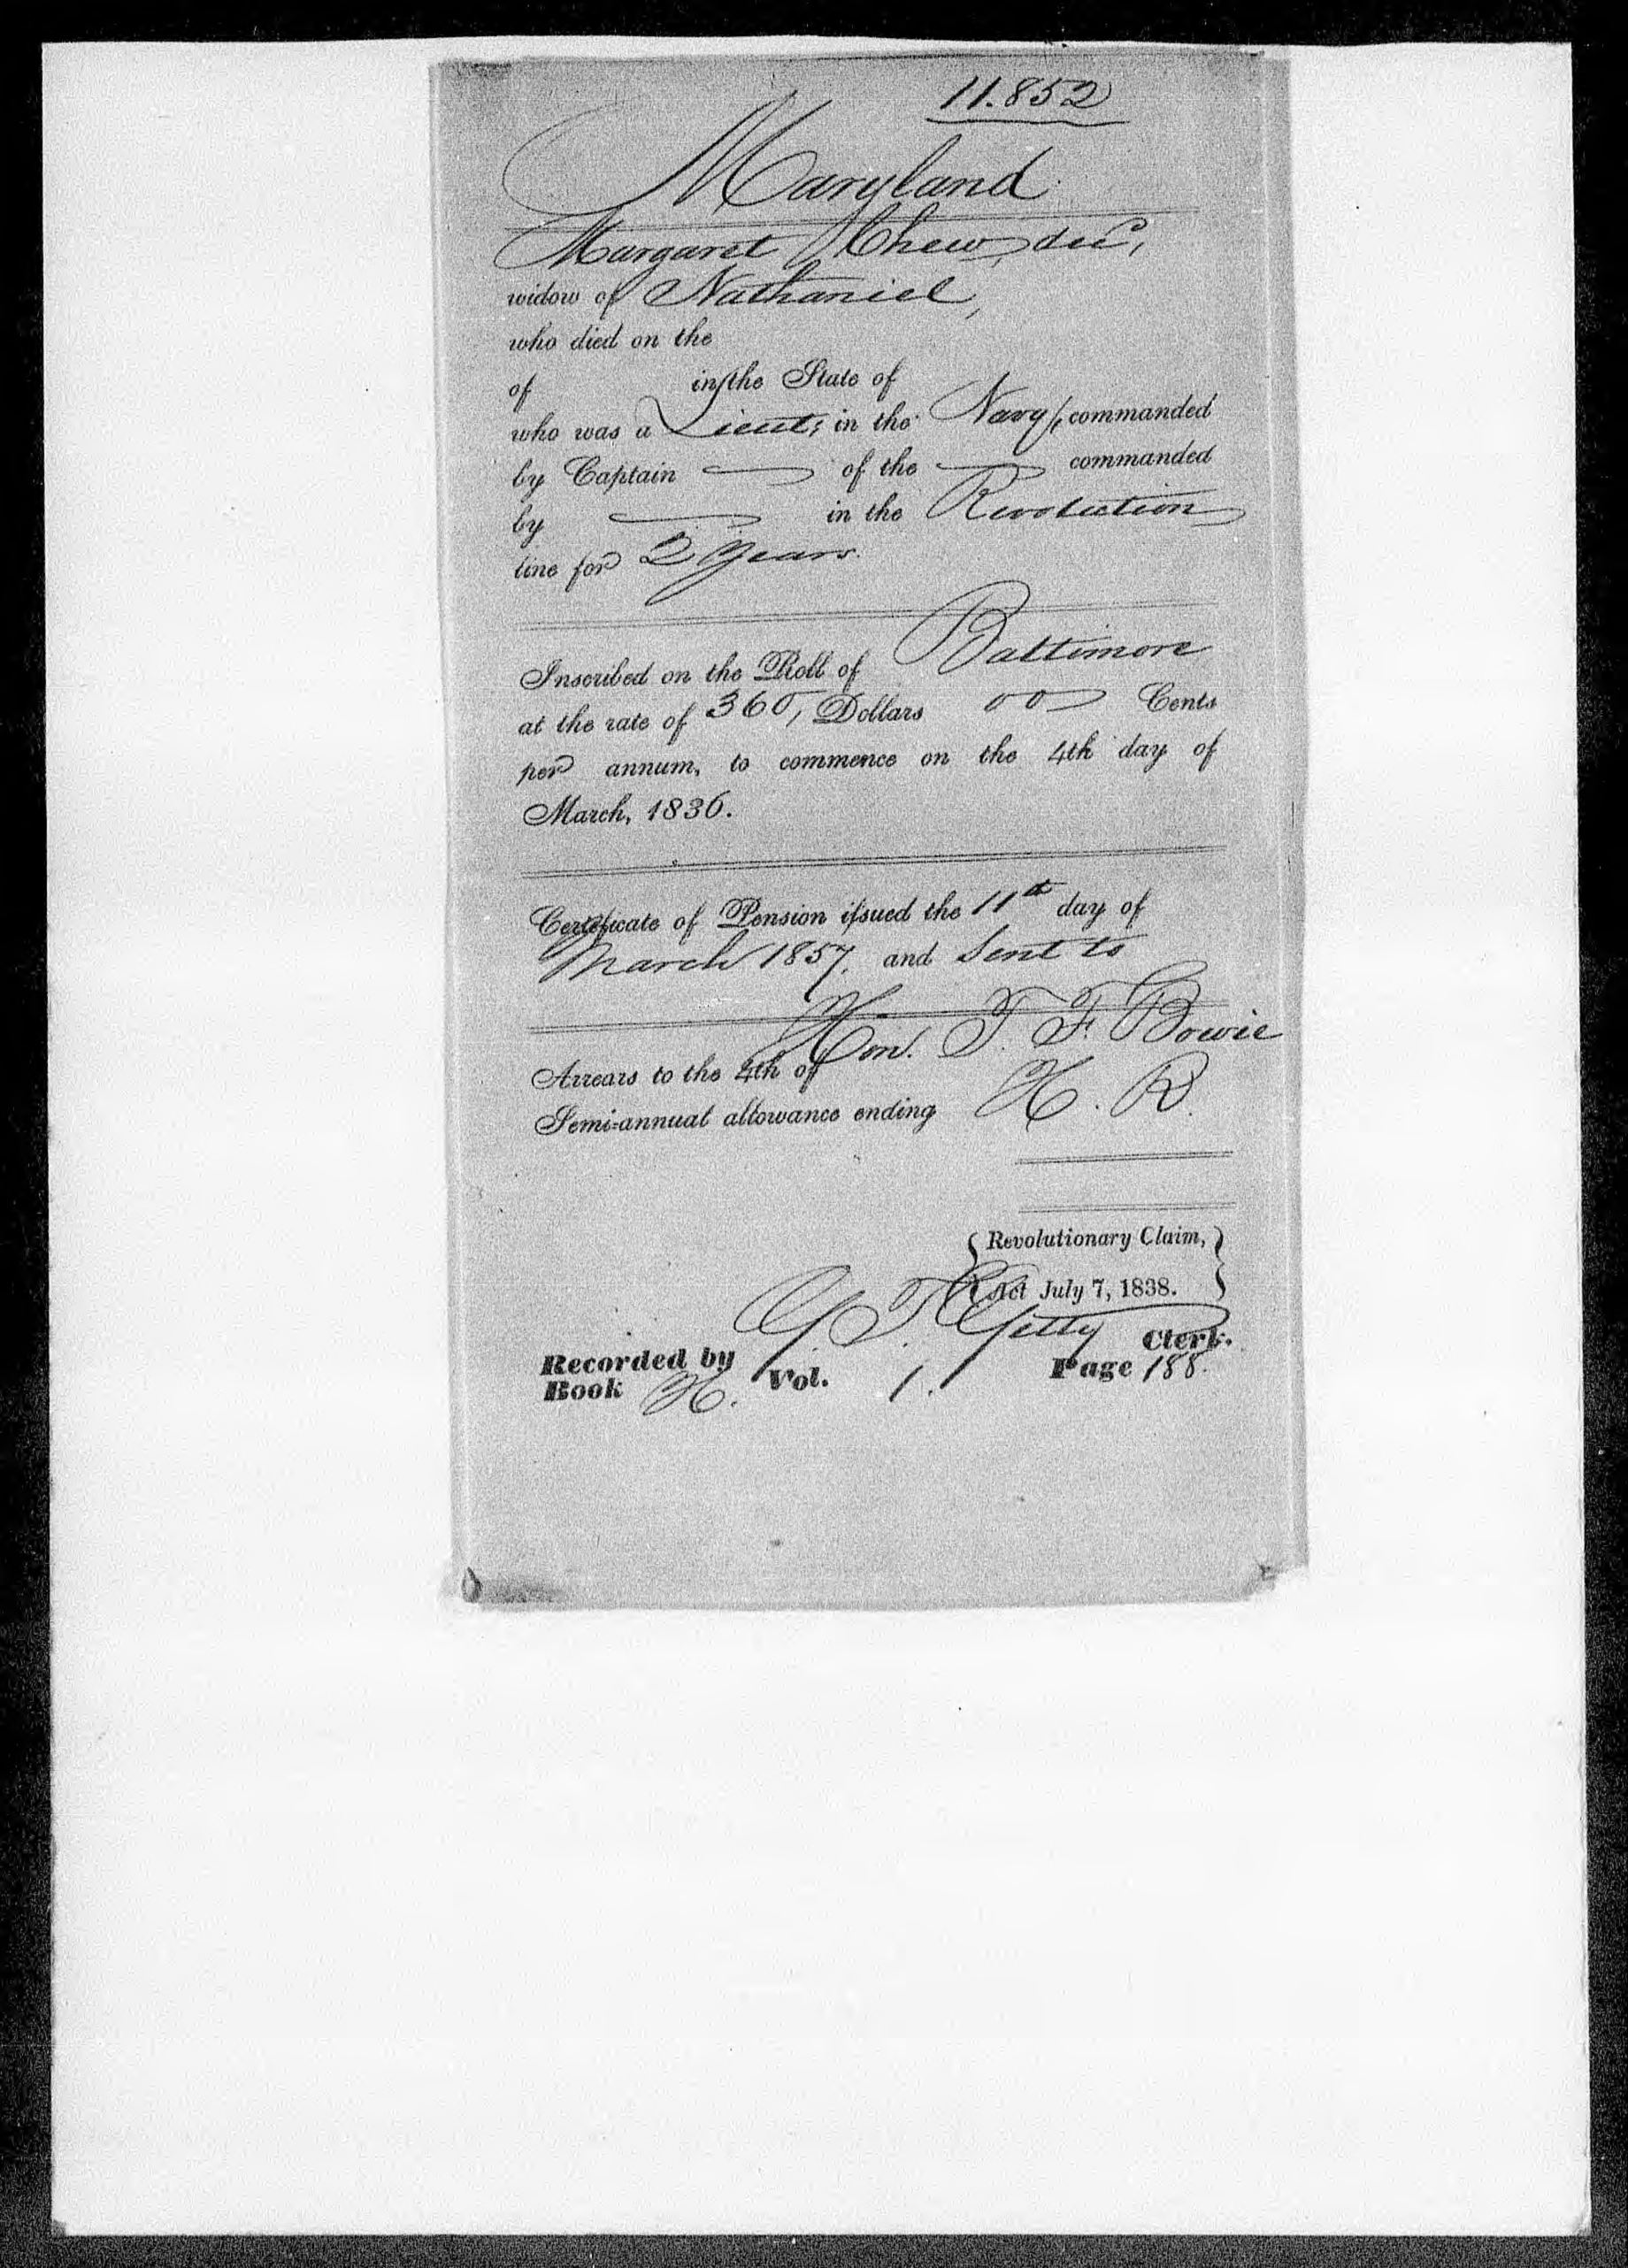11,852
_____

Maryland

Margaret Chew decd.
widow of Nathaniel,
who died on the [blank]
of [blank] in the State of [blank]
who was a Lieut in the Navy commanded
by Captain [blank] of the [blank] commanded
by [blank] in the Revolution
line for 2 years

Inscribed on the Roll of Baltimore
at the rate of 360 Dollars 00 Cents
per annum, to commence on the 4th day of
March, 1836.

Certificate of Pension issued the 11th day
March 1857, and Sent to
Hon T. F. Bowie
H. R.

Arrears to the 4th of [blank]
Semi annual allowance ending [blank]
double underline
double underline

{ Revolutionary Claim, }
{ Act July 7, 1838. }

Recorded by G. T. Getty, Clerk
Book H, Vol. 1 Page 188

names: Nathaniel Chew, Margaret Chew, G T Getty, T F Bowie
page: 50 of 59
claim: widow's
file: W. 9383, Nathaniel Chew, Navy (Md.)